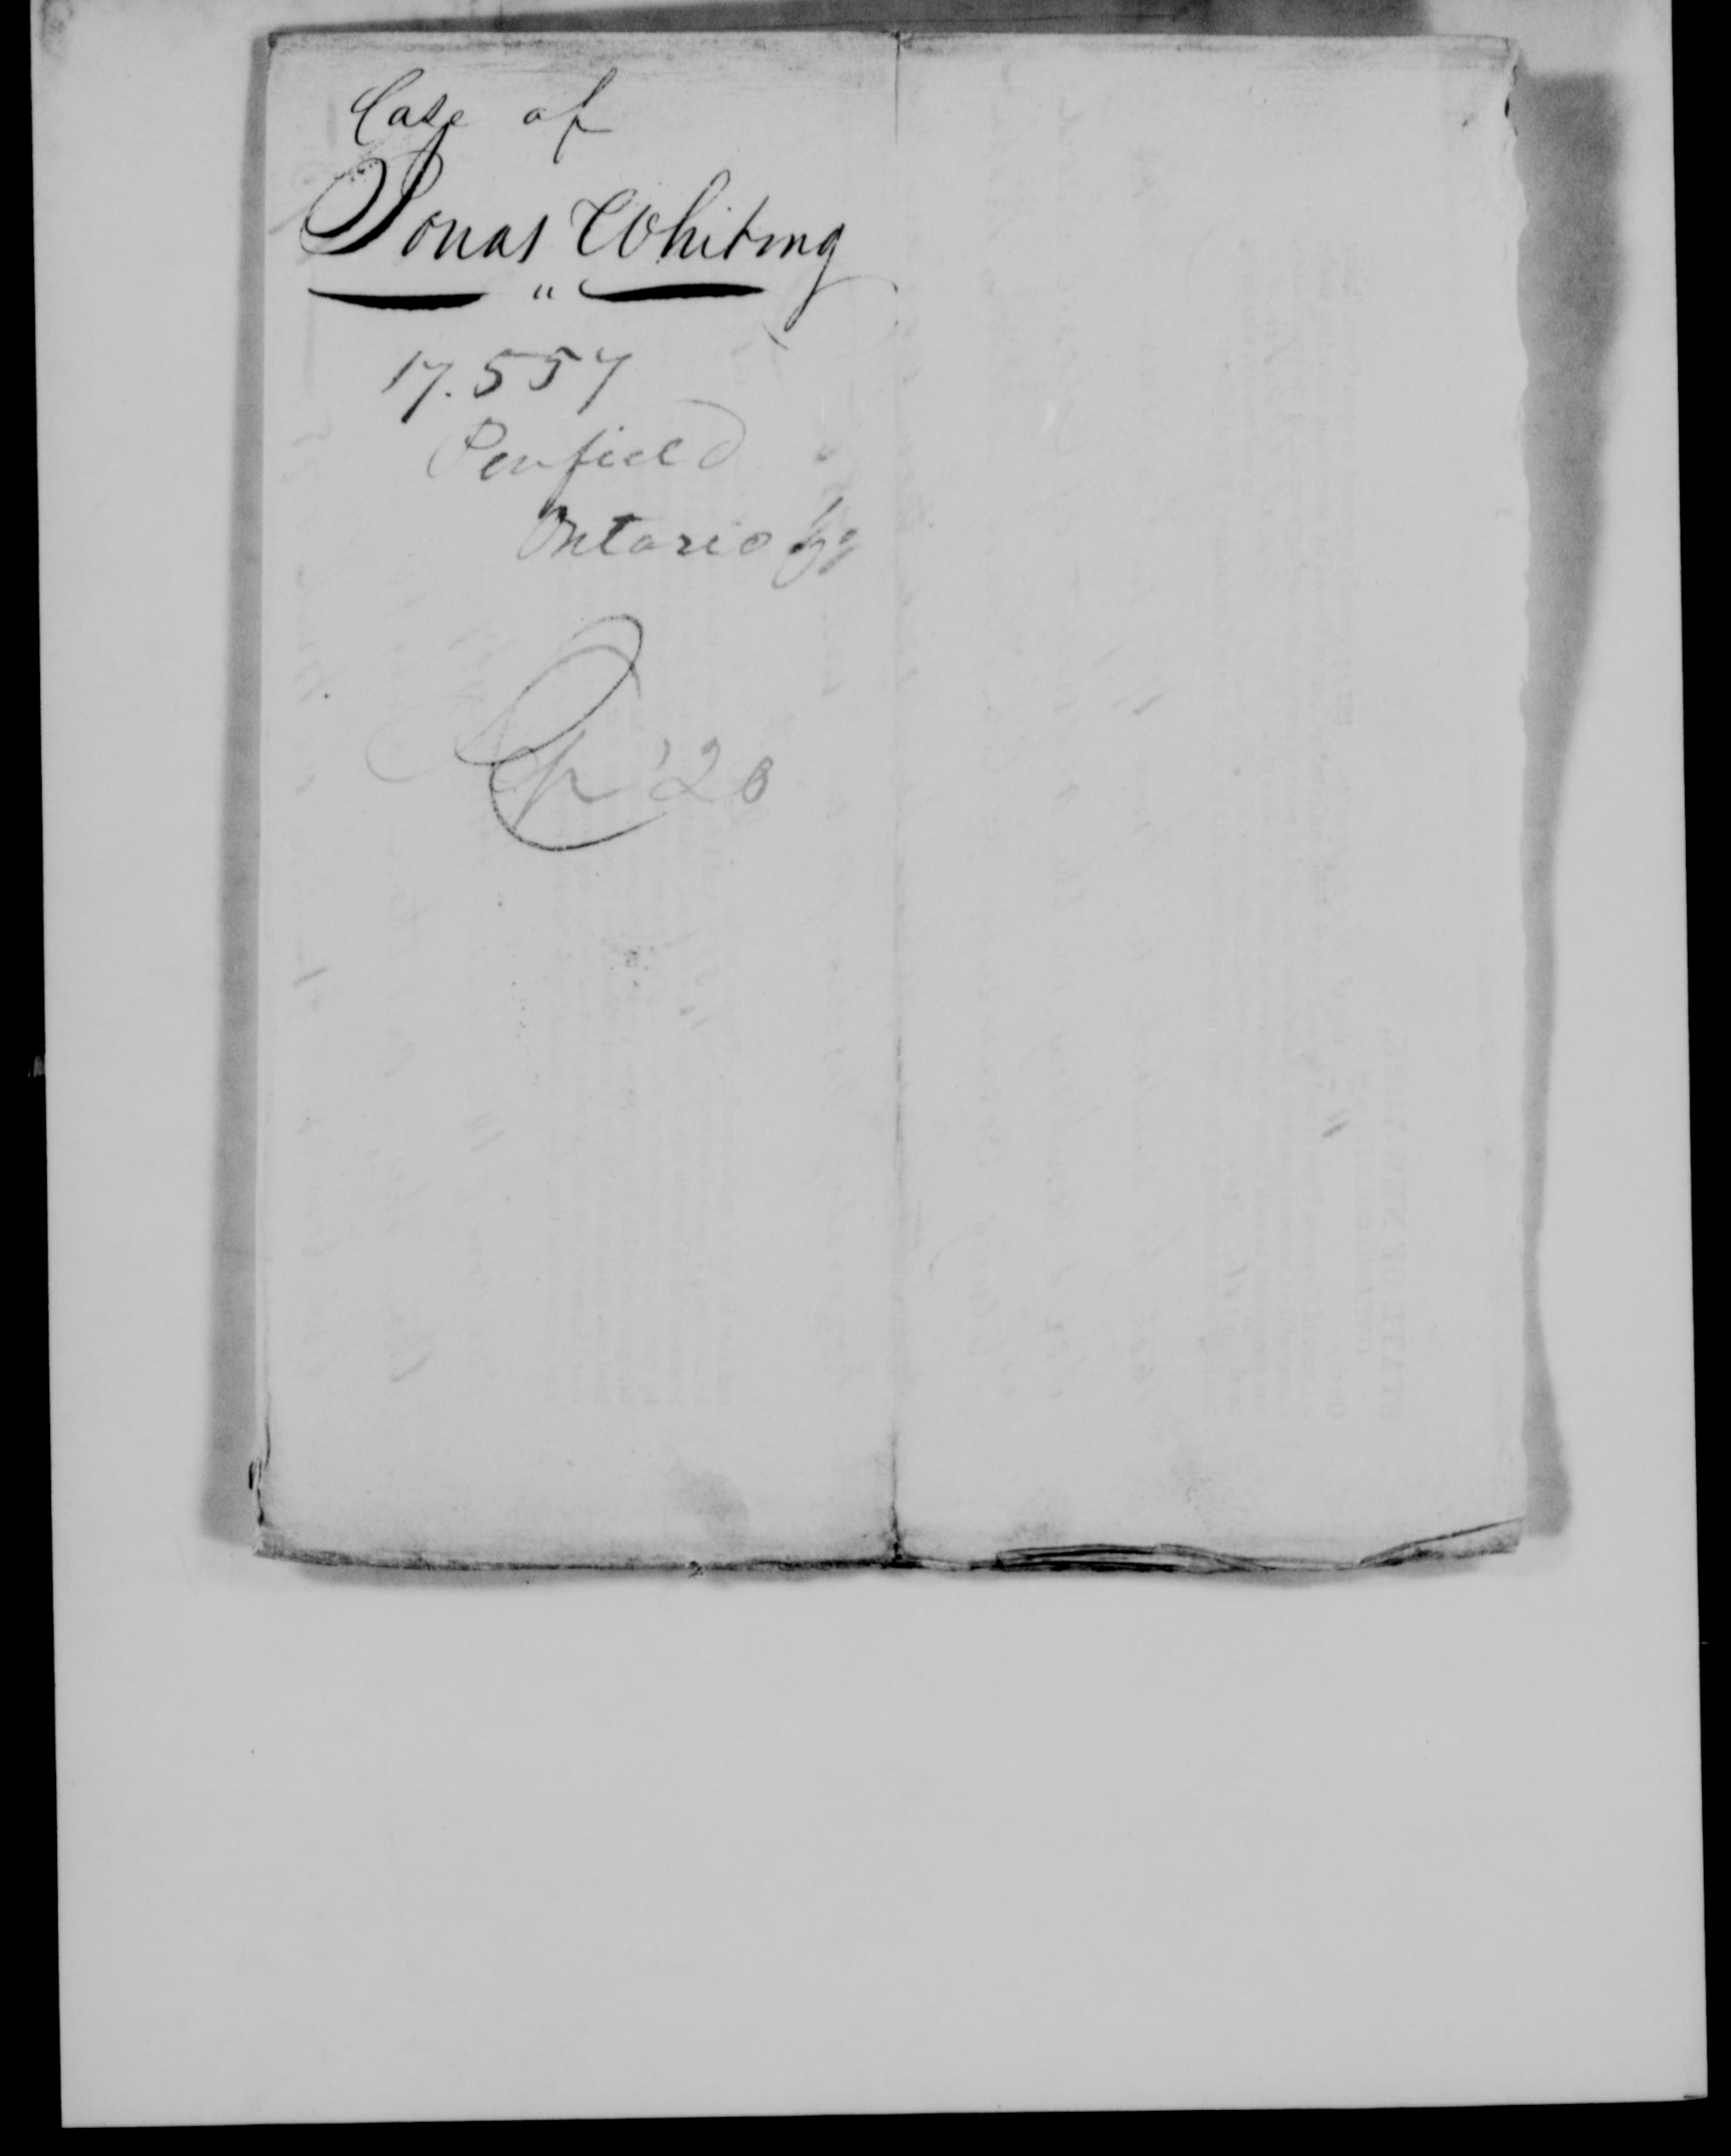Case of
Jonas Whiting
17.557
Penfield
Ontario Ss
'20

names: Jonas Whiting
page: 8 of 22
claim: survivor's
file: S. 43298, Jonas Whiting, Mass.